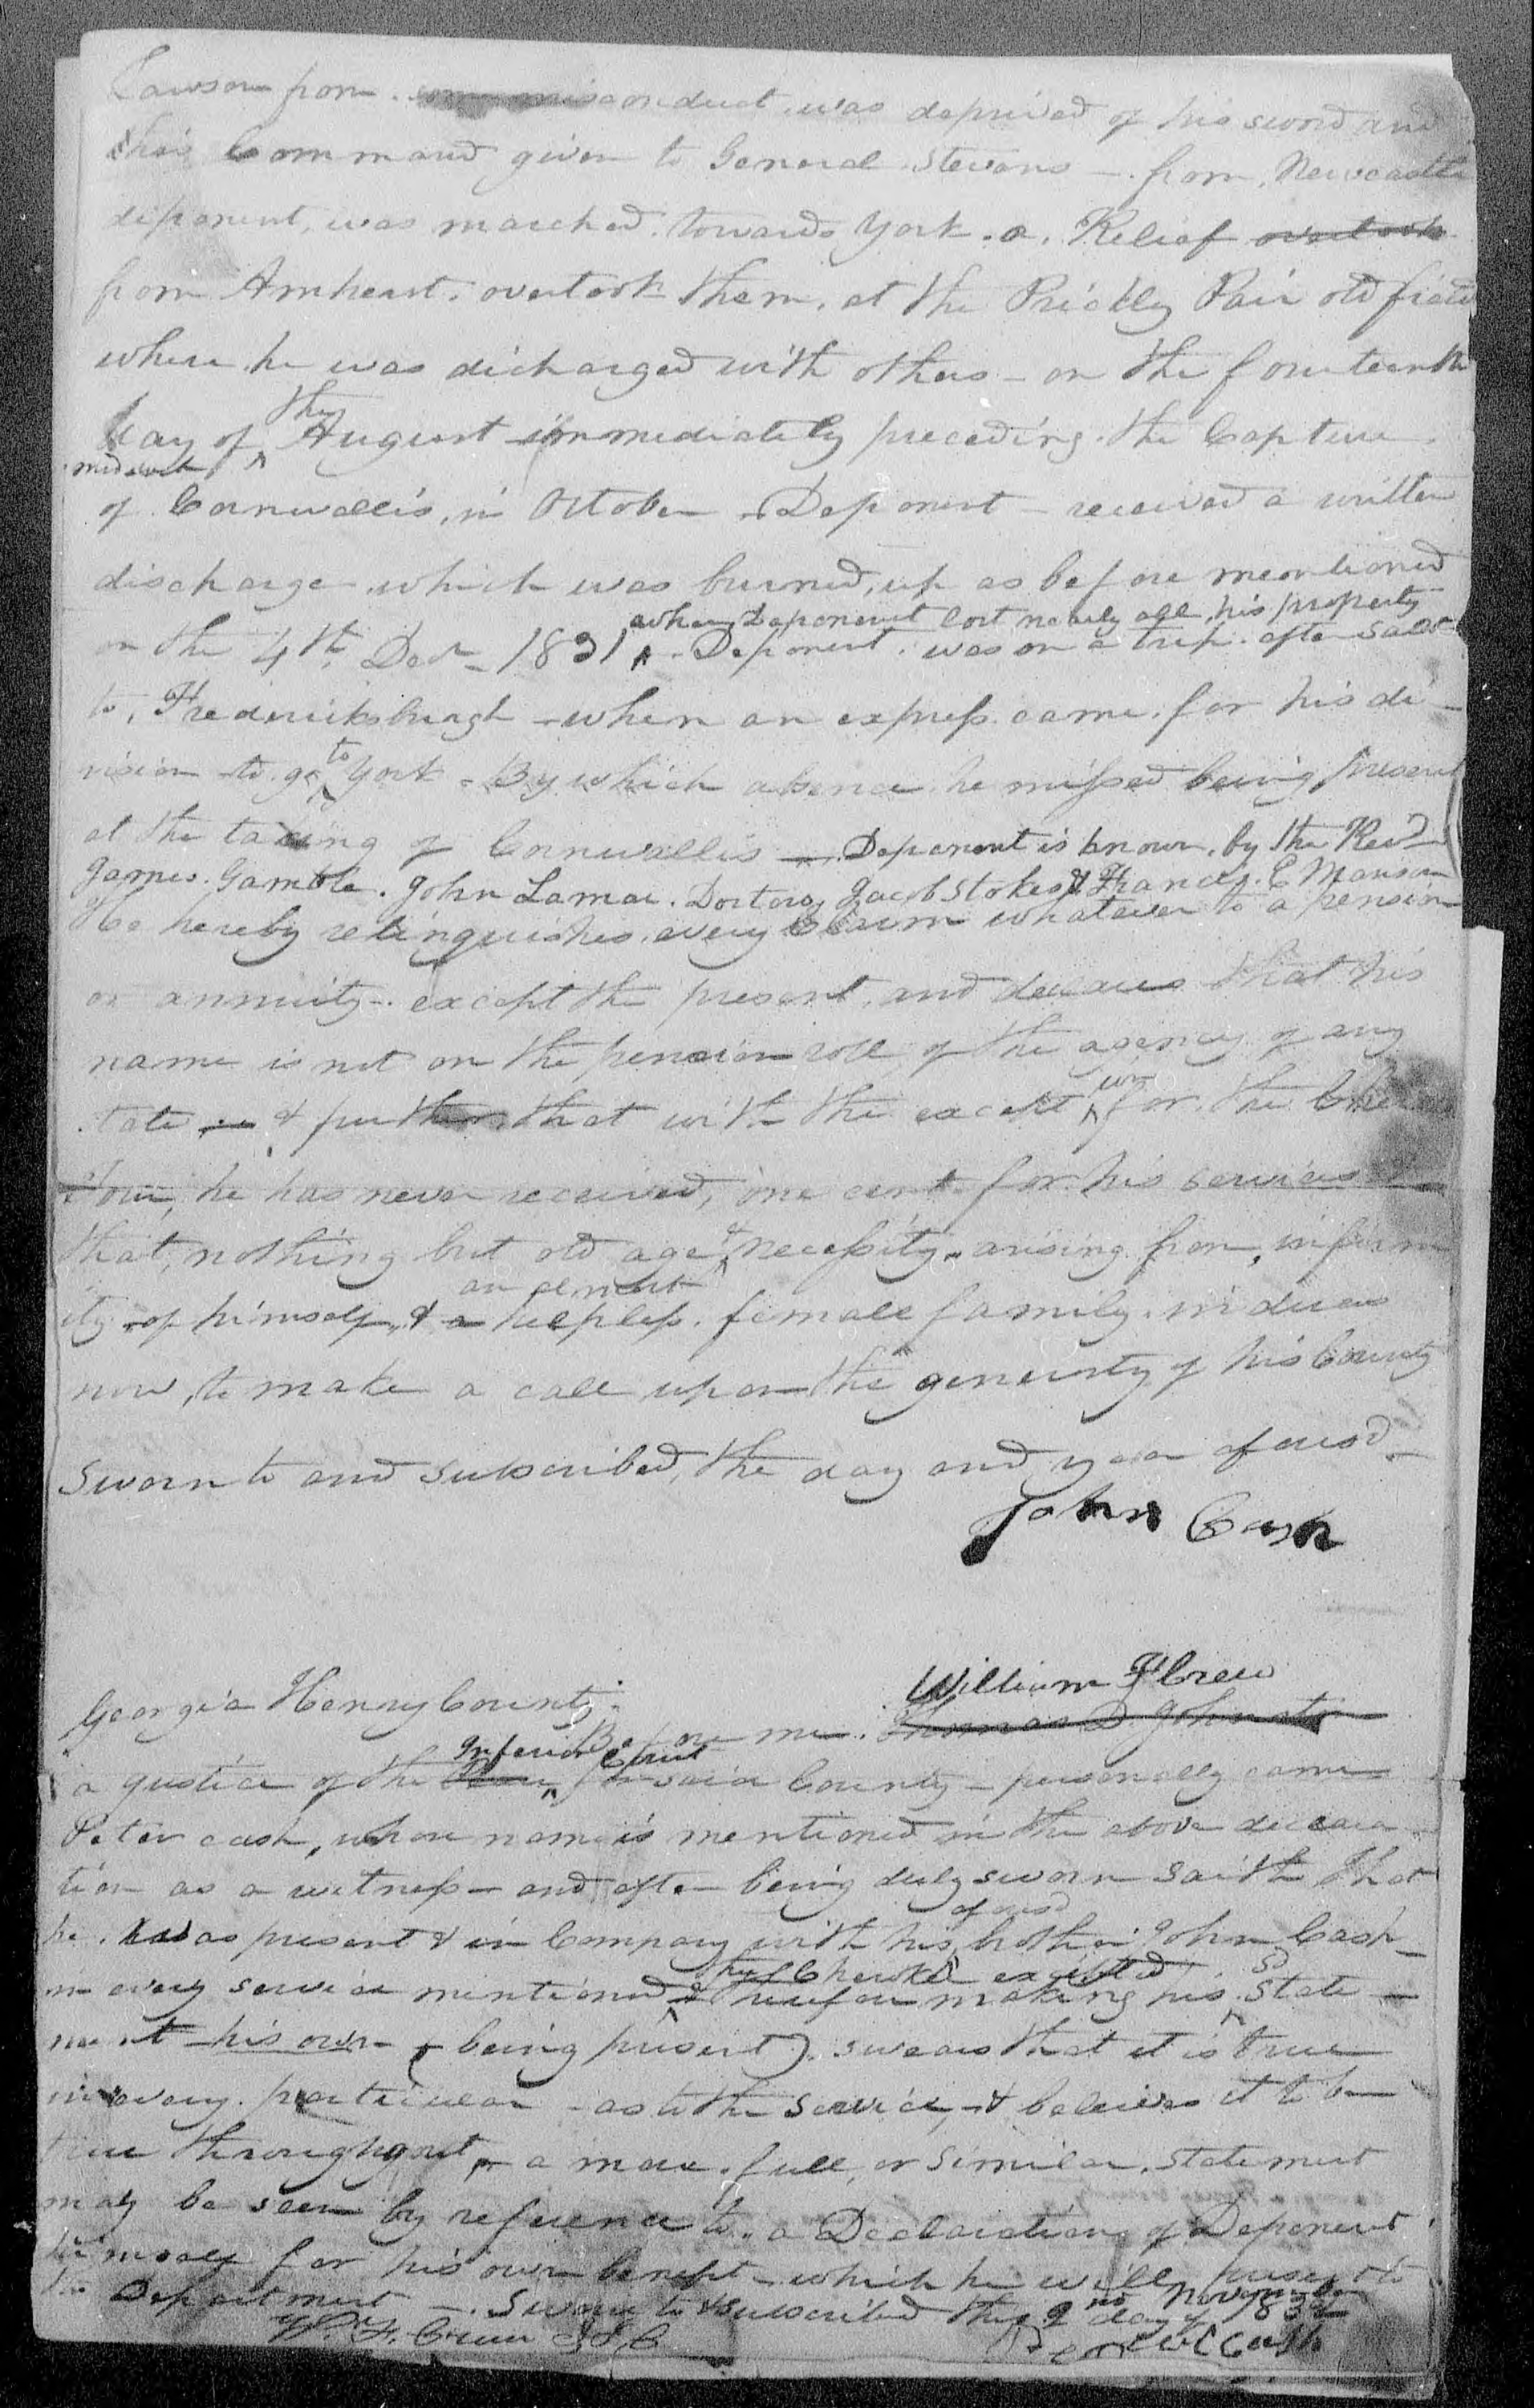Lawson from ........was deprived of his second unit.
his command given to Genard Stevens from New Castle, deponent was marched towards York. & Relief from Amherst overtook them, at the Prickly Pear old field where he was discharged with others-- on the fourteenth day of August immediately preceding the Capture of Cornwallis in October.  Deponent received a written
discharge which was burned up as before mentioned when deponent lost namely all his property on the 4th Dec. 1831.  Deponent was on a trip after said time to Fredericksburg when an express came for his division to go to York - by which advice he missed being present at the taking of Cornwallis. Deponent is known, by the Rev.
James Gamble John Lamar, Jacob Stoke & Francis E Manson.
He hereby relinquishes every claim whatever to a pension or annuity except the present, and declares that his name is not on the pension roll of the agency of any State & further that with the except for the ______ for he has never received, one cent for his services, that nothing but old age necessity, arising from, infirmity of himself & a helpless female family induces him now to make a call upon the generosity of his Country.
Sworn to and subscribed the day and year aforesaid.
                                           John Cash
Georgia Henry County

William Foree, a Justice of the said County personally came Peter Cash, whose name is mentioned in the above declaration as a witness-- and after being duly sworn saith that he was present & in company with his brother John Cash
in every service mentioned in making his Statement his own being present swears that it is true in every particular as to the service & believes it to be true throughout a more, full, or similar statement may be seen by reference to a Declaration of Deponent for his own benefit which he will present to the Department.
unto subscribed the 2nd day of 1832.
                                                   Peter Cash
F. Green J P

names: William F Crew, James Gamble, John Cash, Wm F Crew, John Cash, Lawson, Cash, Jacob Stokes, John Lamar, Peter Cash, Francis E Manson, Stevens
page: 5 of 73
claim: widow's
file: W. 5,894, John Cash, Va.